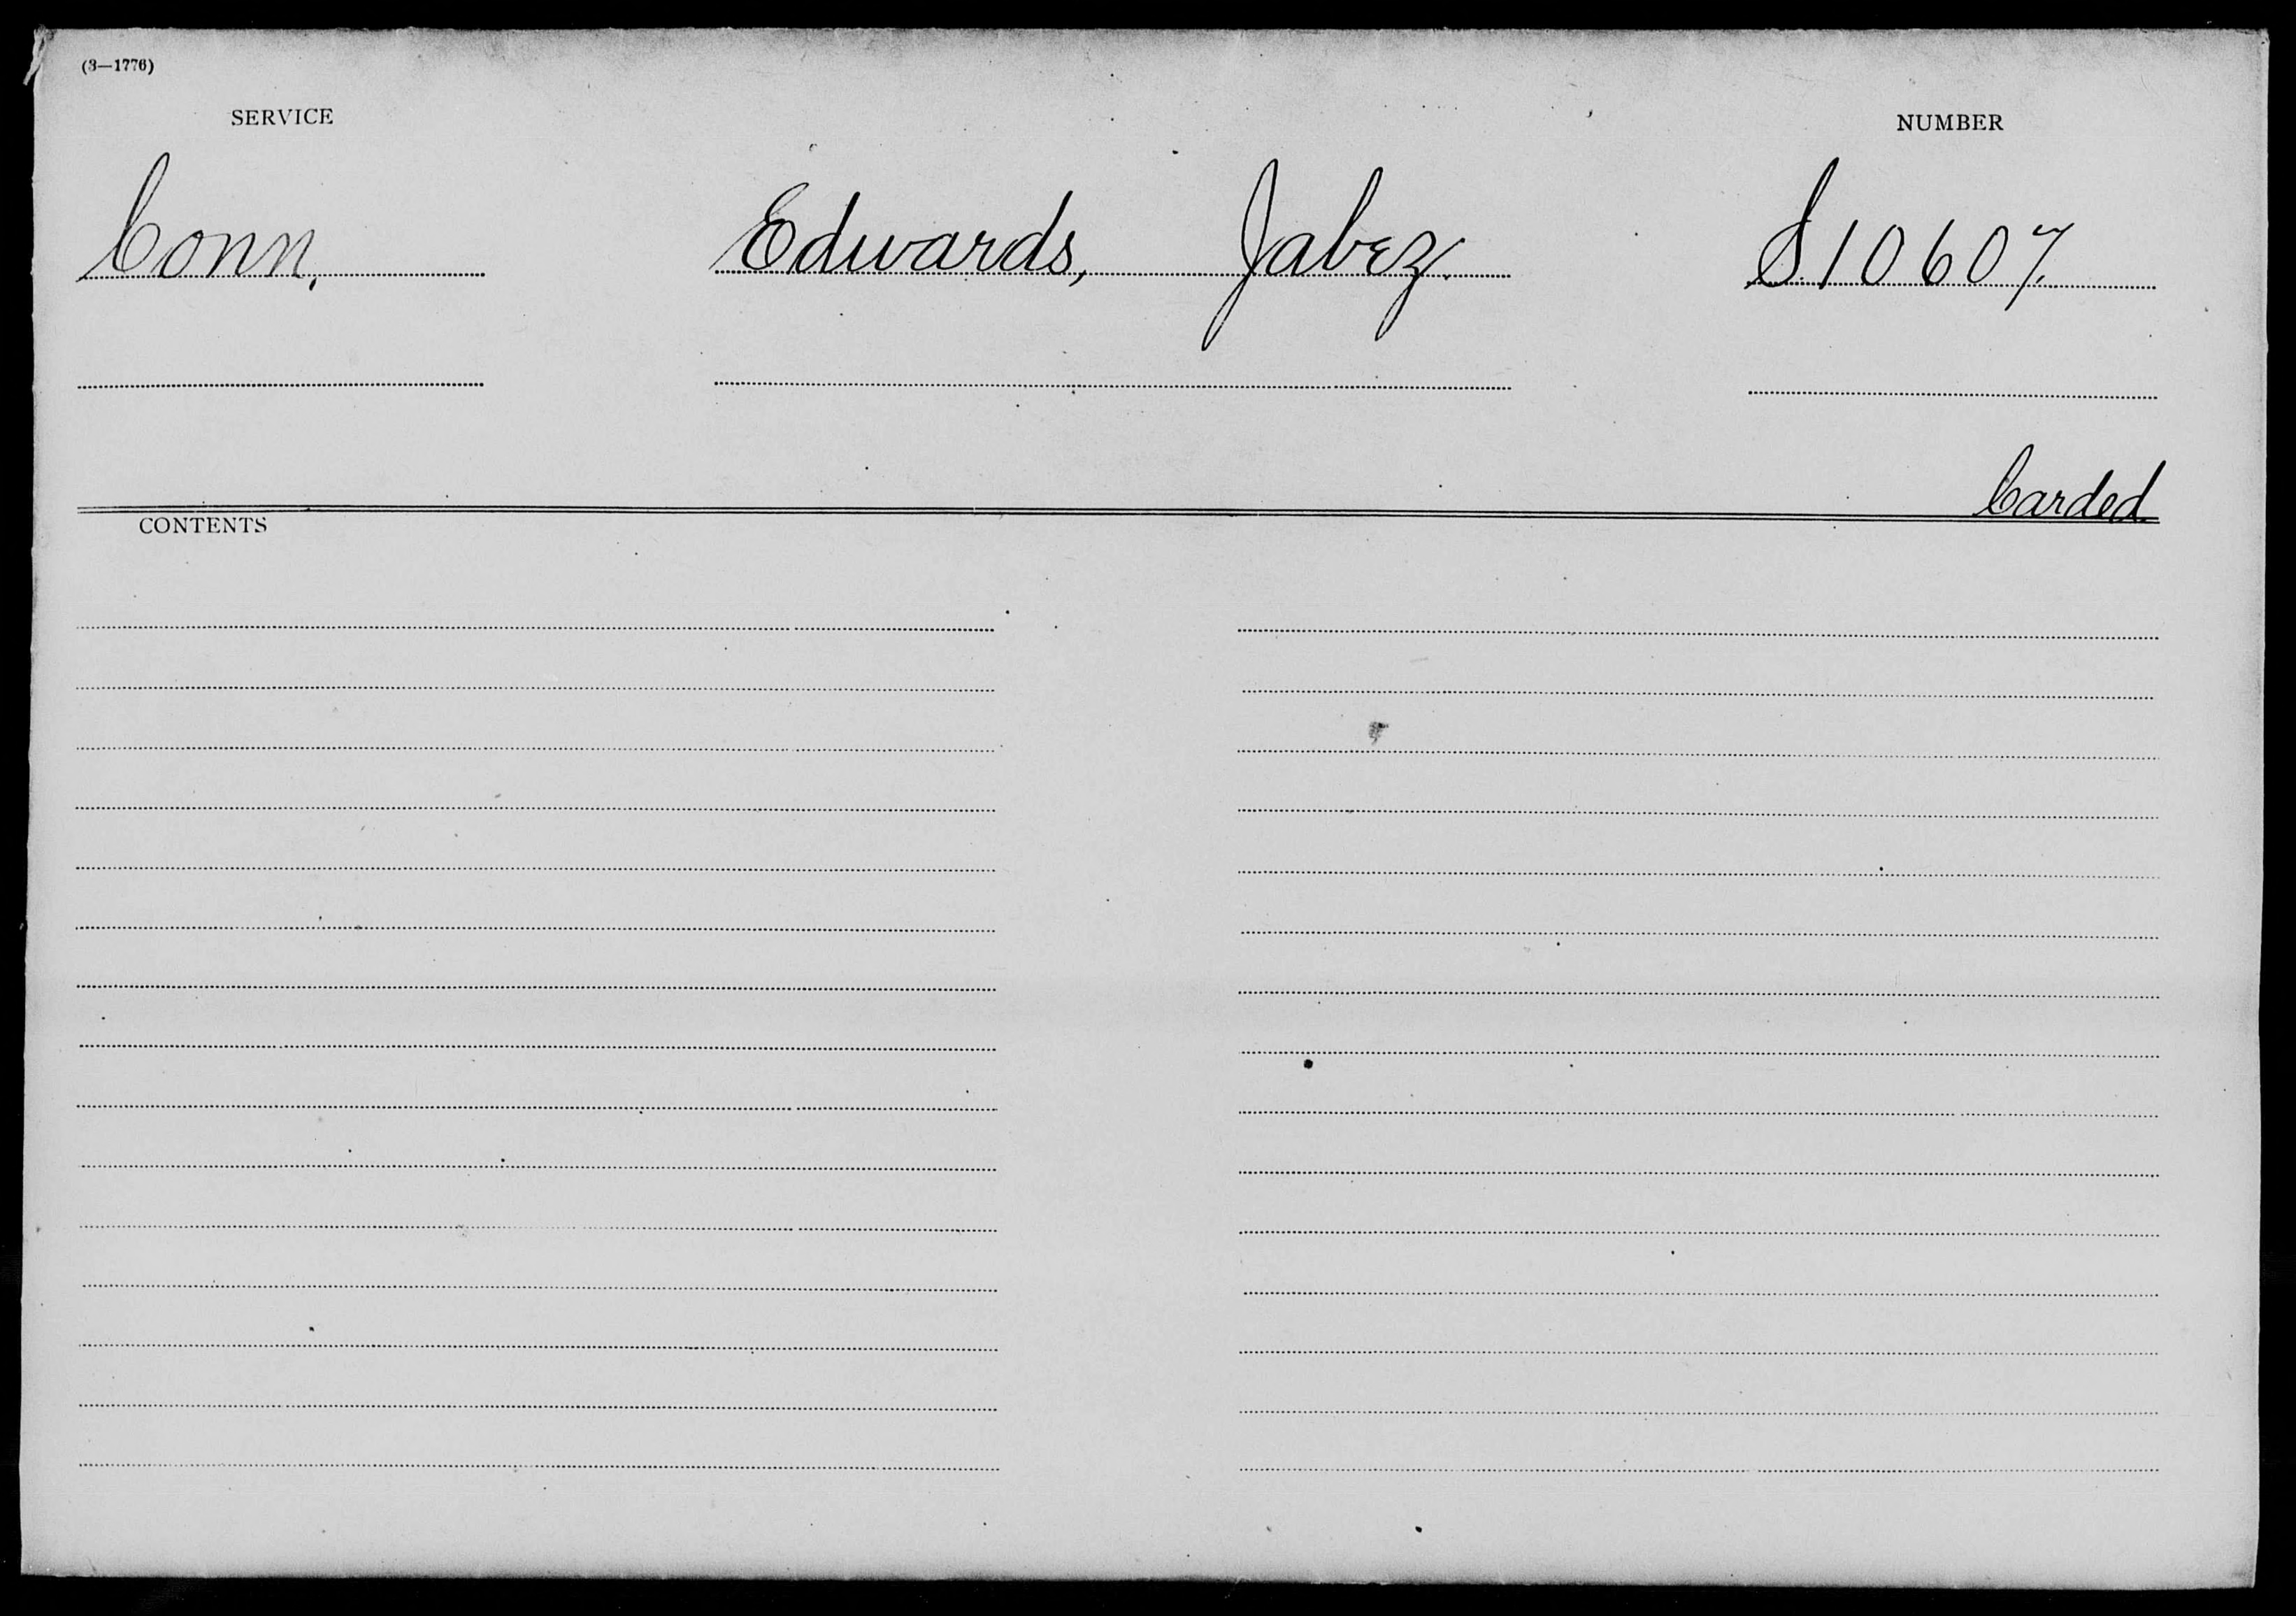Service: Conn.
Edwards, Jabez
Number: S10607
Carded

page: 1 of 50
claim: survivor's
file: S 10607, Jabez Edwards, Conn.